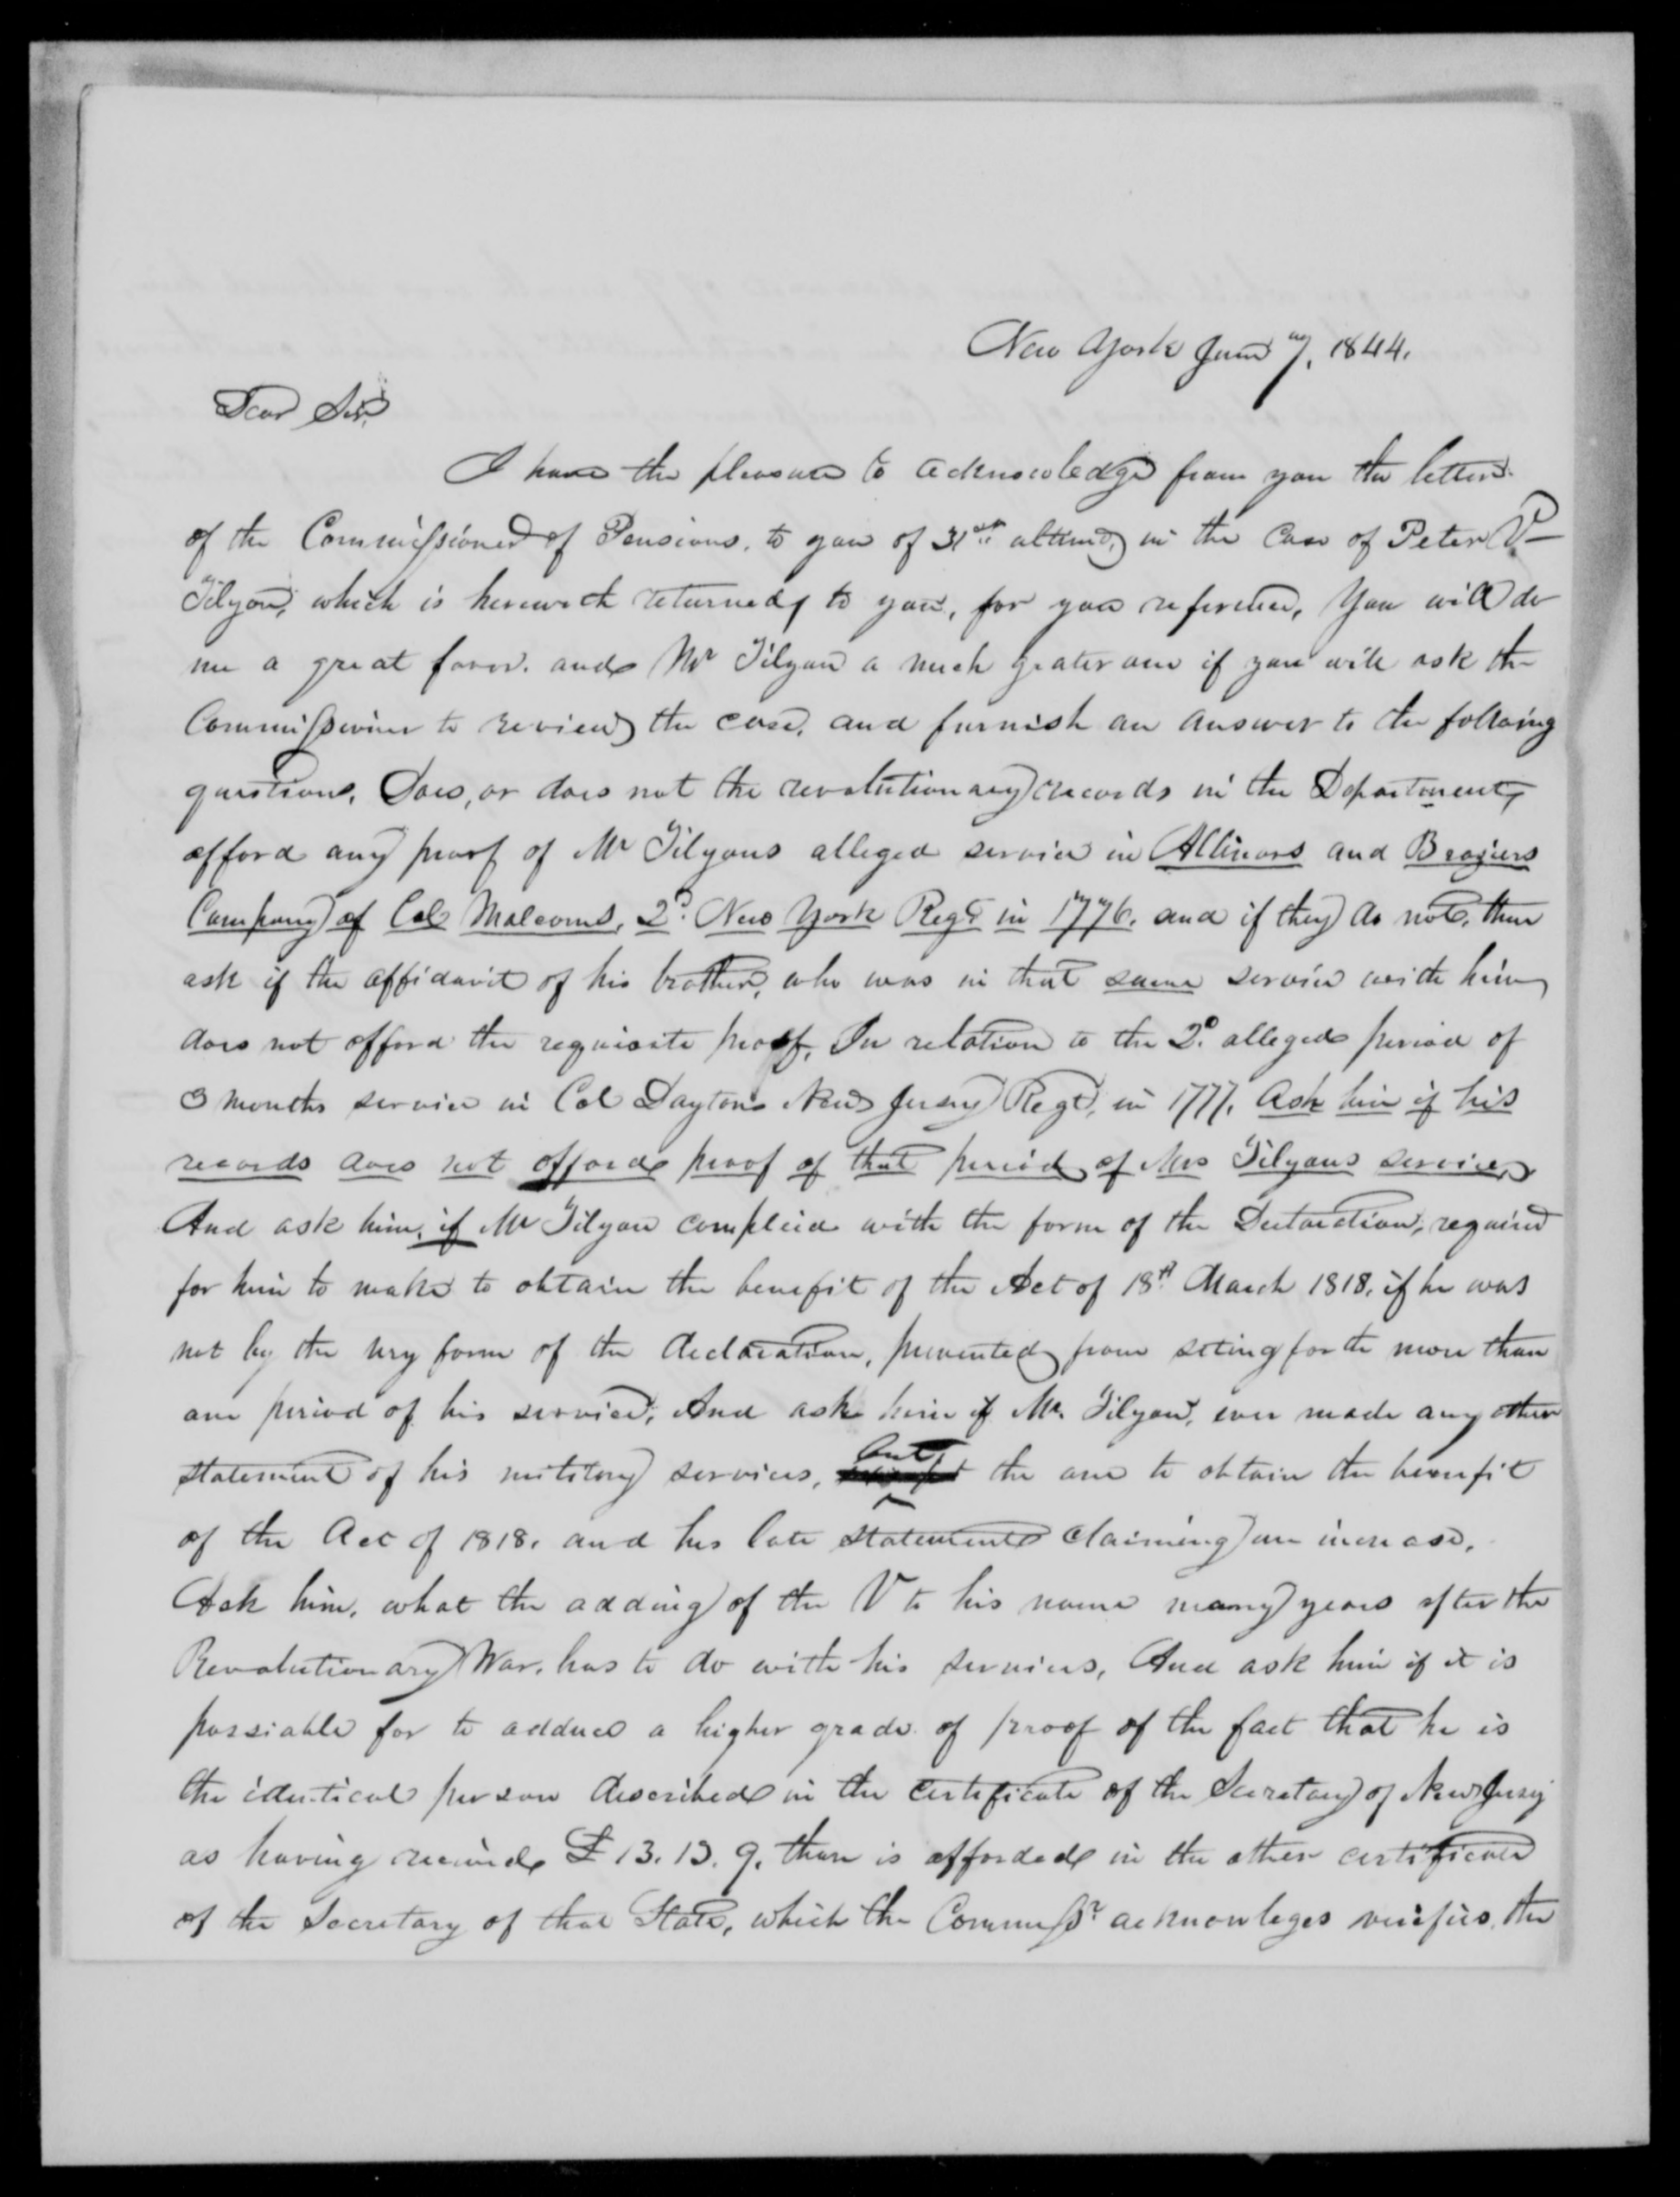New York June 7. 1844.

Dear Sir,

I have the pleasure to acknowledge from you the letter of the Commissioner of Pensions to you of 31st ultimo in the case of Peter V. Tilyou which is herewith returned to you for your reference. You will do me a great favor to review the case, and furnish an answer to the following questions. Does or does not the revolutionary records in the Department afford any proof of Mr. Tilyous alleged service in [Allinars?] and Braziers Company of Col Malcolms 2d New York Regt in 1776. and if they do not, then ask if the affidavit of his brother, who was in that same service with him does not afford the requisite proof. In relation to the 2d alleged period of 3 months service in Col Daytons New Jersey Regt in 1777. Ask him if this records does not afford proof of that period of Mr. Tilyous service. And ask him if Mr. Tilyou complied with the form of the Declaration required for him to make to obtain the benefit of the Act of 18th March 1818. if he was not by the very form of the Declaration prevented from seting for the more than one period of his service. And ask him if Mr. Tilyou ever made any other statement of his military services., ^ And the aim to obtain the benefit of the Act of 1818. and his late statement claiming an increase.
Ask him, what the adding of the V to his name many years after the Revolutionary War has to do with his services, And ask him if it is possible for to adduce a higher grade of proof of the fact that he is the identical person described in the Certificate of the Secretary of New Jersey as having received £13.12.9. than is afforded in the other certificate of the Secretary of that State, which the Commissr acknowleges verifies the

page: 81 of 101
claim: widow's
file: W. 25481, for Peter V Tilyou, New Jersey